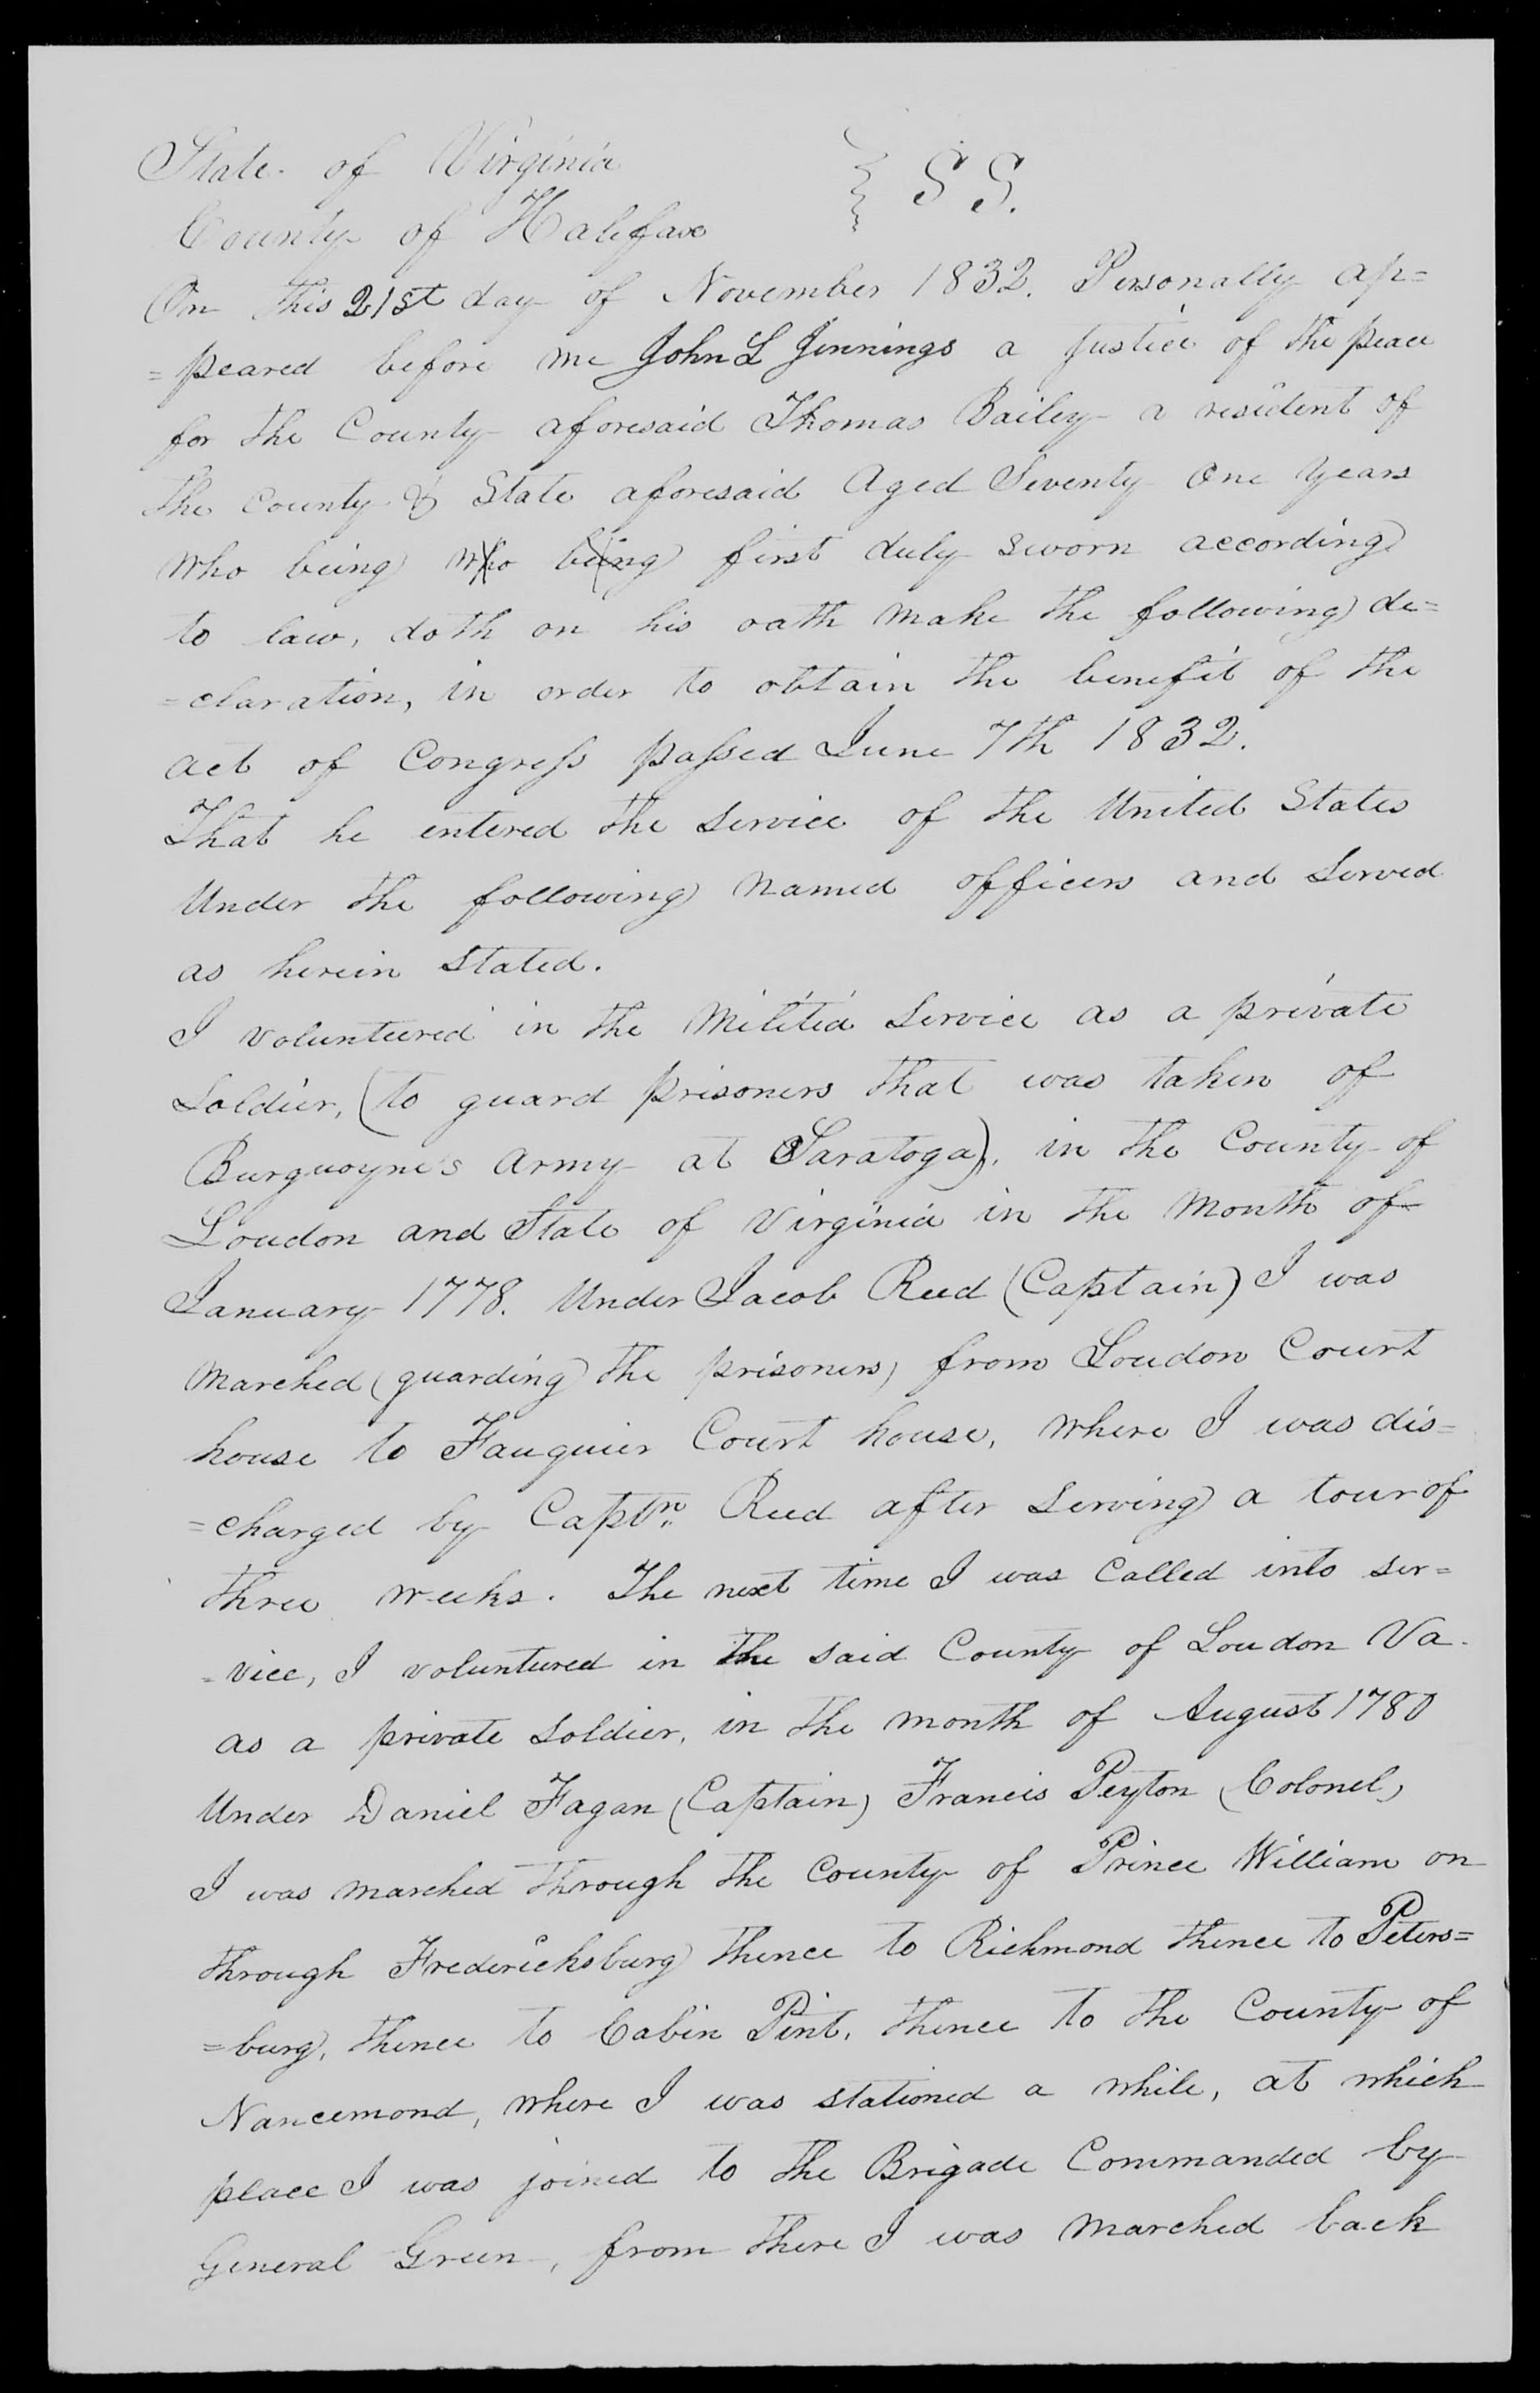State of Virginia
County of Halifax} S.S.
On this 21st day of November 1832, Personally appeared
before me John l. Jennings a Justice of the peace
for the County aforesaid Thomas Bailey a resident of
the County & State aforesaid Aged seventy one years
who being ["who being" is crossed out] first duly sworn according
to law, doth on his oath make the following 
declaration, in order to obtain the benefit of the
act of Congress passed June 7th 1832.
That he entered the Service of the United States
under the following named officers and Served 
as herein stated.
I volunteered in the Militia Service as a private
Soldier, (to guard prisoners that was taken of
Burguoyne's Army at Saratoga) in the County of
Loudon and State of Virginia in the month of
January 1778. Under Jacob Reed (Captain) I was
marched (guarding) the prisoners, from Loudon Court
house to Fauquier Court house, where I was 
discharged by Capt'n Reed after Serving a tour of
three weeks.  The most time I was called into 
service, I volunteered in the said County of Loudon Va.
as a private Soldier, in the month of August 1780
Under Daniel Fagan (Captain) Francis Peyton (Colonel)
I was marched through the County of Prince William on
through Fredericksburg thence to Richmond thence to 
Petersburg, thence to Cabin Pint, thence to the County of
Nancemond, where I was stationed a while, at which
place I was joined to the Brigade Commanded by
General Green, from there I was marched back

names: John L Jennings, Jacob Reed, Daniel Fagan, Reed, Francis Peyton, Thomas Bailey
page: 5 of 18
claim: survivor's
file: S. 6578, Thomas Bailey, Va.